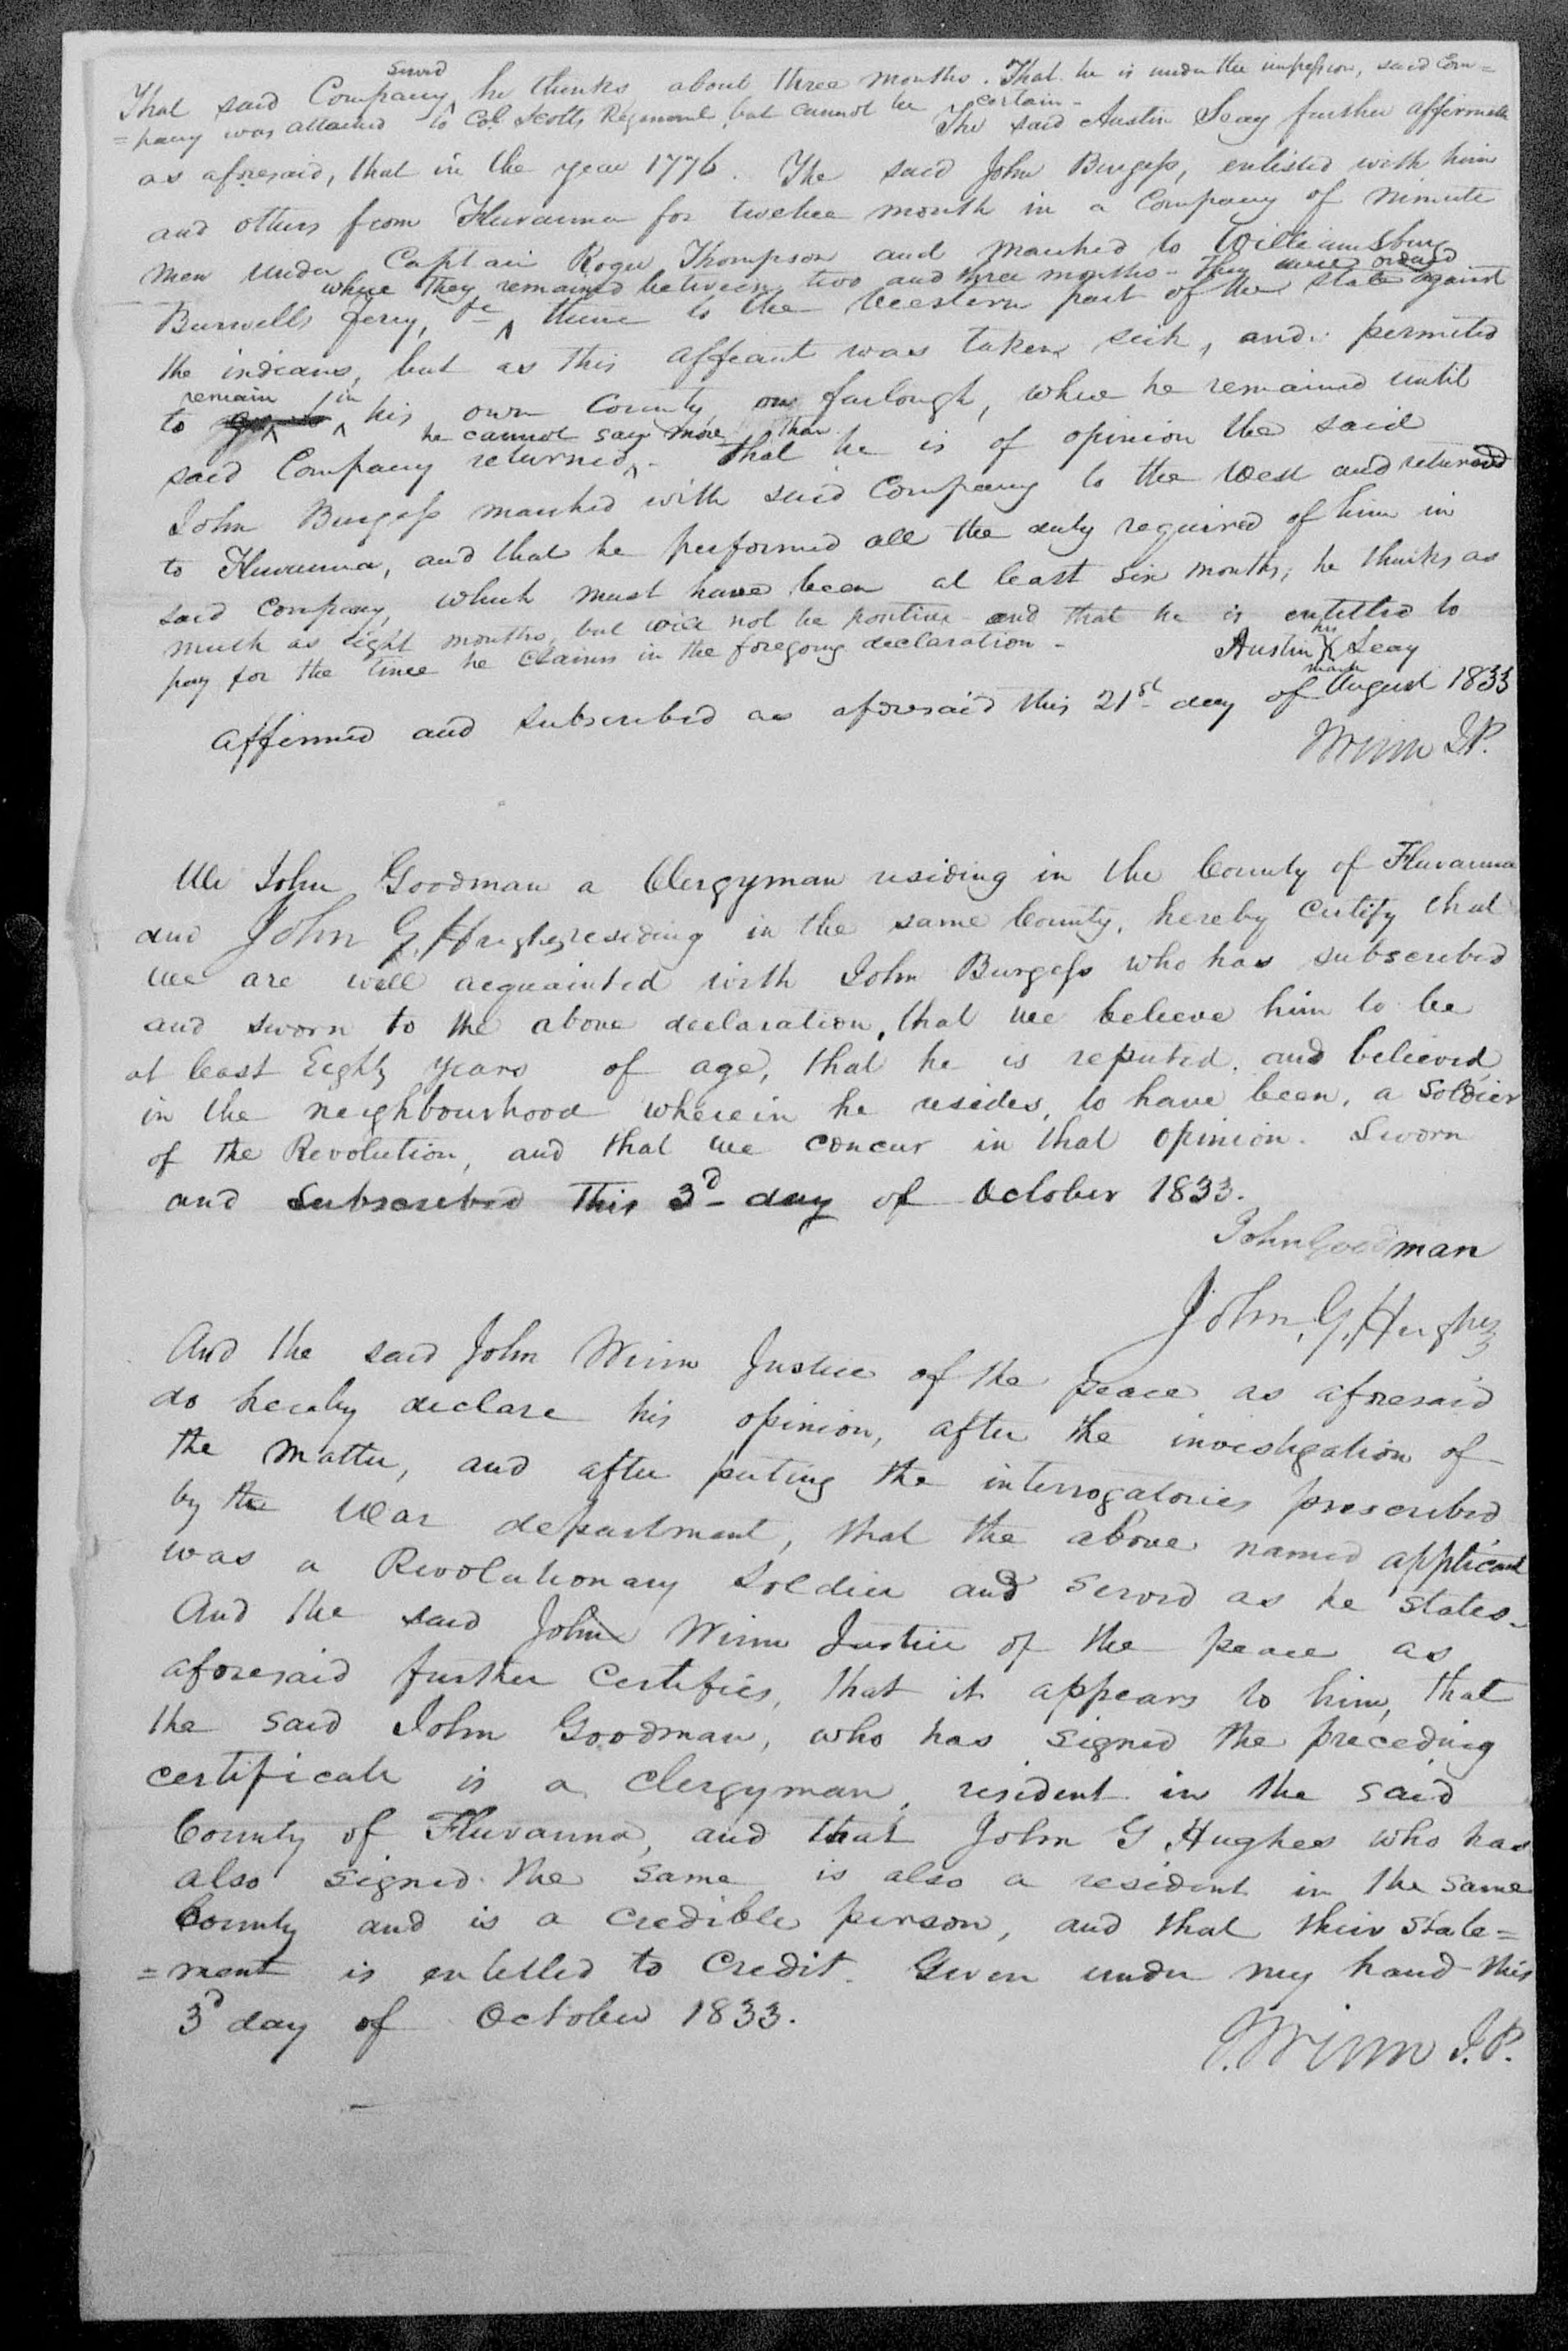That said Company served, he thinks about three months.  That he is under the impression, said Company was attached to Col Scotts Regiment but cannot be certain.  The said Austin Seay further affirmed as aforesaid, that in the year 1776 The said John Burgess, enlisted with him and others from Fluvanna for twelve months in a Company of Minute Men under Captain Roger Thompson and marched to Williamsburg, Burwells Ferry where they remained between two and three months.  They were ordered then to the Western part of the state against the Indians but as this affiant was taken sick, and permitted to remain in his own County on furlough, where he remained until said Company returned he cannot say more than that he is of opinion the said John Burgess marched with said Company to the west and returned to Fluvanna, and that he performed all the duty required of him in said company, which must have been at least six months, he thinks as much as eight months but will not be positive and that he is entitled to pay for the time he claims in the foregoing declaration
his
Austin X Seay
mark
Affirmed and subscribed as aforesaid this 21st day of August 1833. J. Winn JP.
We John Goodman a Clergyman residing in the county of Fluvanna and John G. Hughes residing in the same County, hereby certify that we are well acquainted with John Burgess who has subscribed and sworn to the above declaration, that we believe him to be at least Eighty years of age, that he is reputed and believed in the neighbourhood wherein he resides, to have been a soldier of the Revolution, and that we concur in that opinion.  Sworn and subscribed this 3d day of October 1833
John Goodman
John G. Hughes
And the said John Winn Justice of the peace as aforesaid do hereby declare his opinion, after the investigation of the matter, and after puting the interrogatories prescribed by the War department, that the above named applicant was a Revolutionary Soldier and served as he states-  And the said John Winn Justice of the Peace as aforesaid further certifies, that it appears to him, that the said John Goodman, who has signed the preceding certificate is a clergyman, resident in the said County of Fluvanna, and that John G. Hughes who has also signed the same is also a resident in the same County and is a credible person, and that their statement is entitled to credit.  Given under my hand this 3d day of October 1833.
J Winn J.P.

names: Austin Seay, J Winn, John G Hughes, John Burgess, John G Hughes, John Goodman, Austin Seay, John Burgess, John Goodman, John G Hughes, John Goodman, John Burgess, Roger Thompson, John Winn, J Winn, John Winn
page: 12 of 16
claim: survivor's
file: S. 8113, John Burgess, Va.